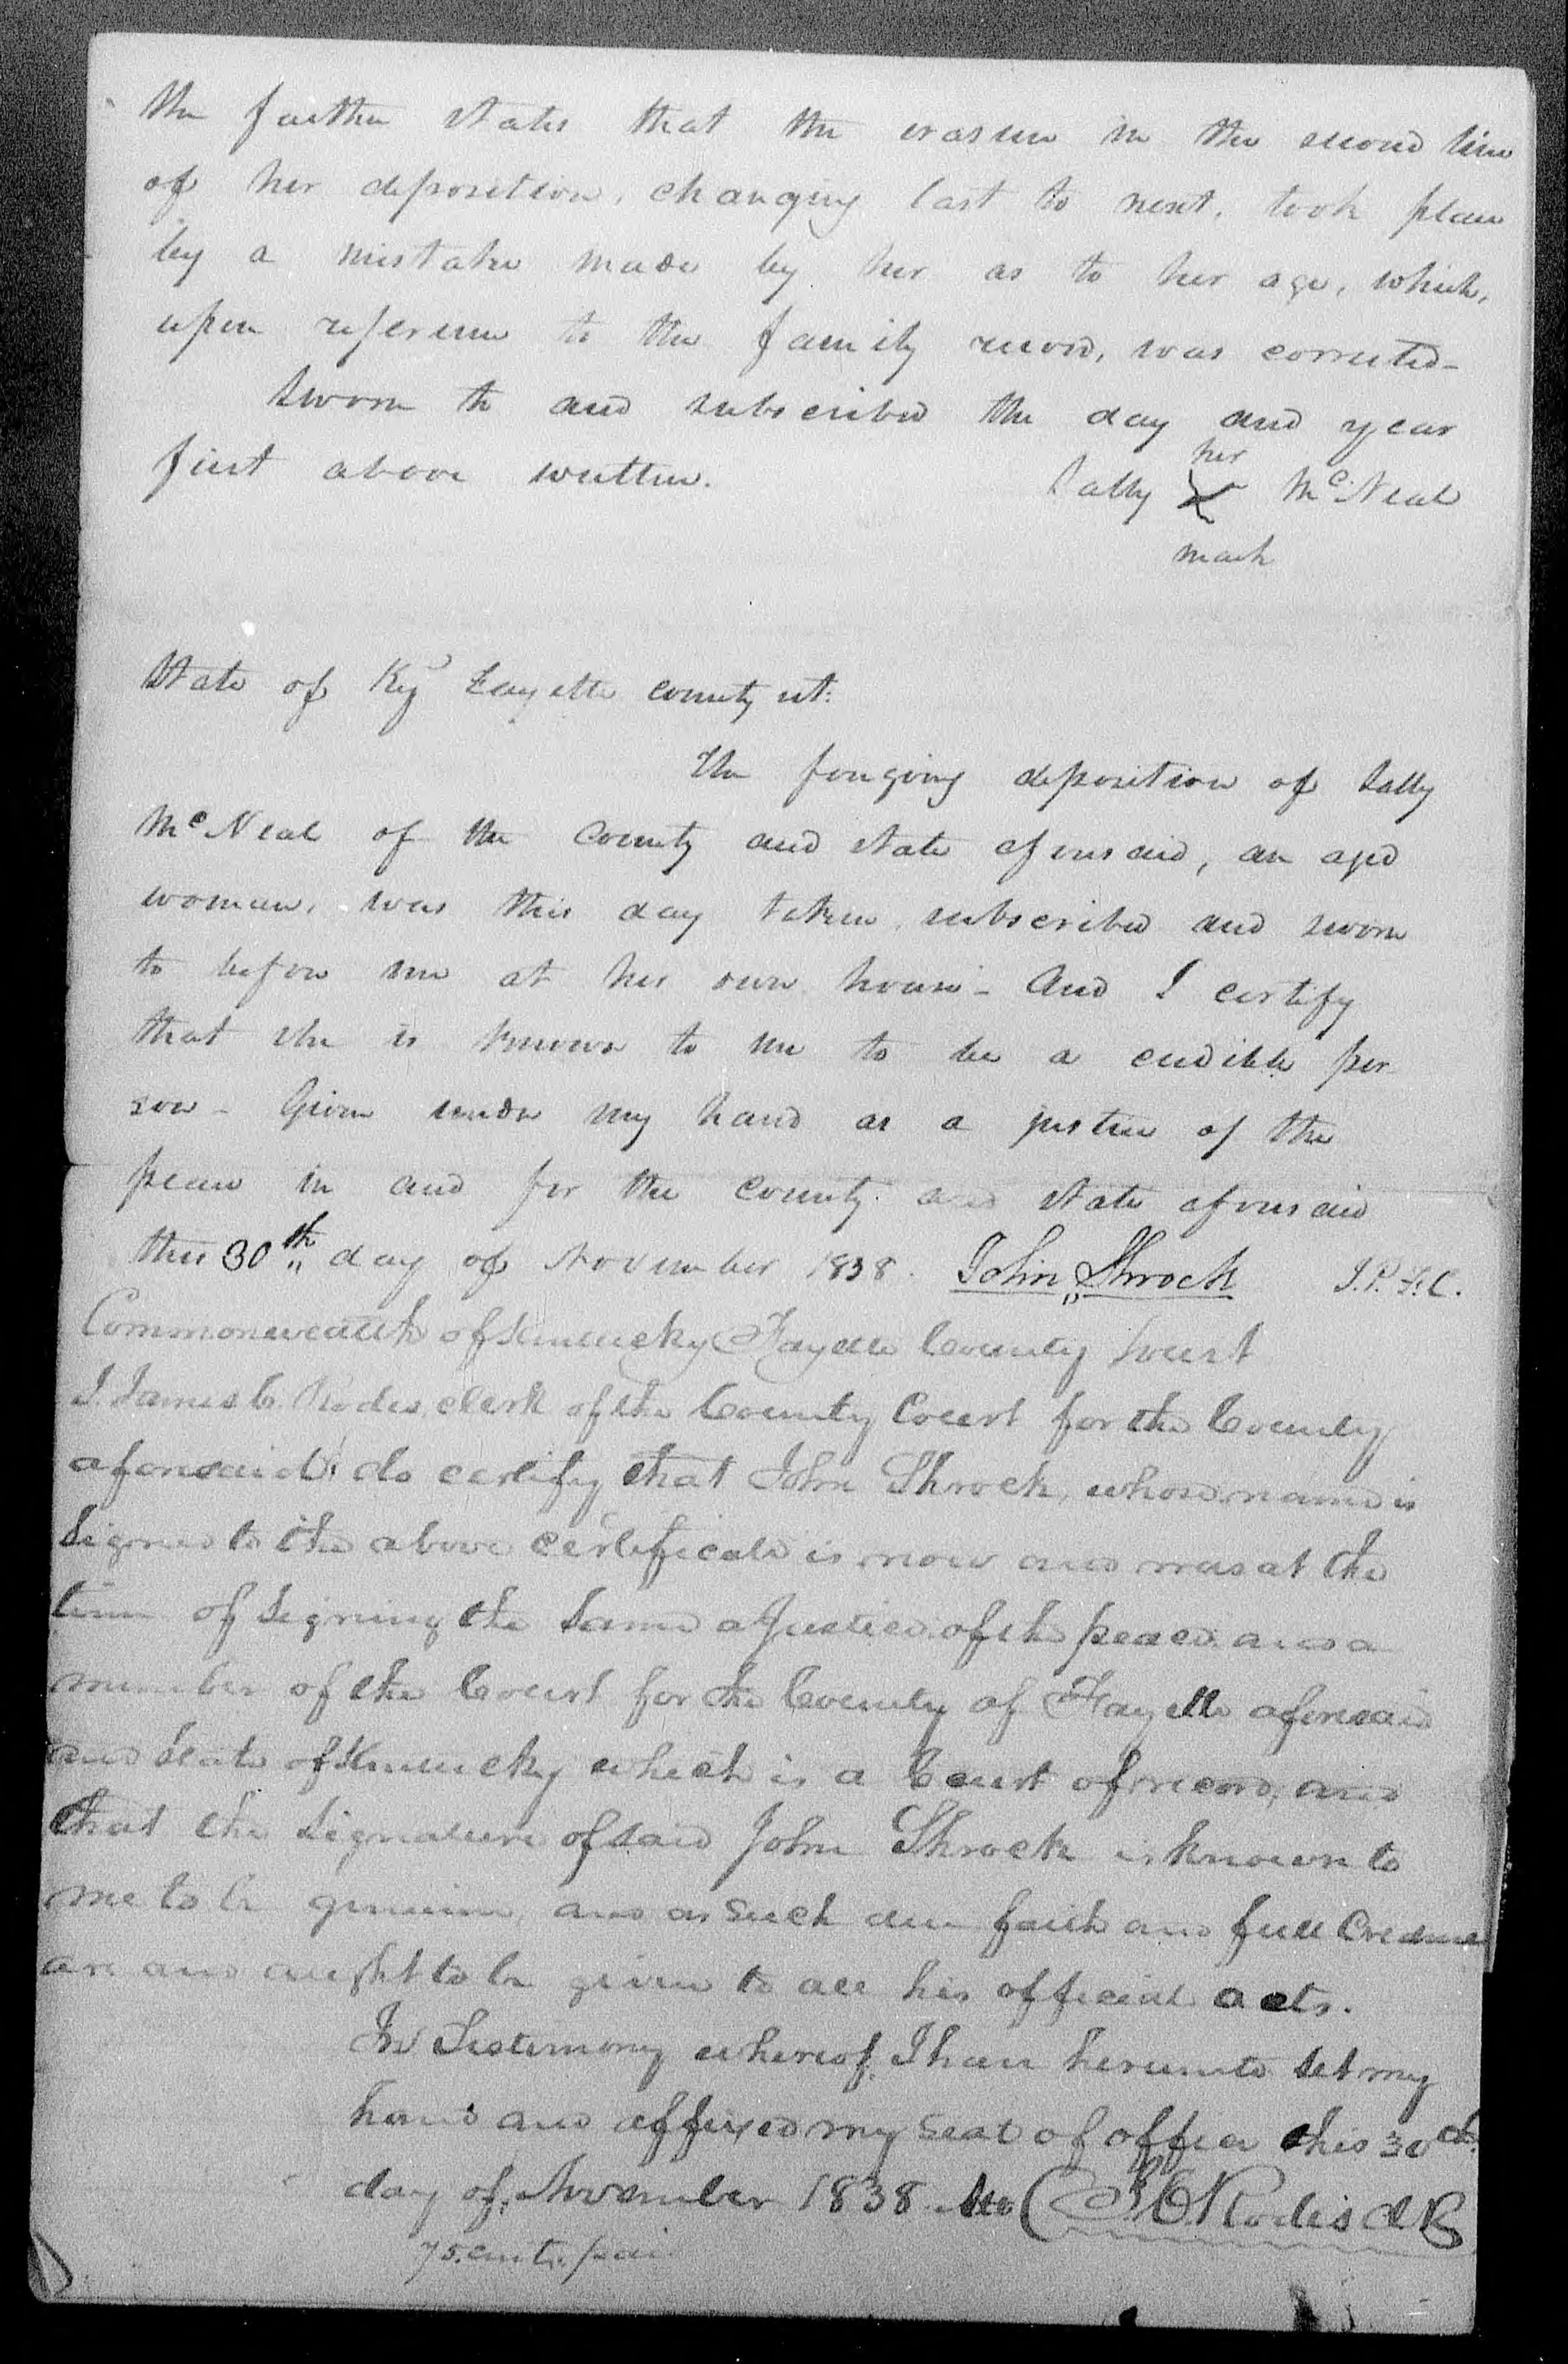She further states that the erasure in the second line of her deposition, changing last to next, took place by mistake made by her as to her age, which upon reference to the family record, was corrected.

           Sworn to and subscribed the day and year first above written
                                                                                 her
					Sally  Mc Neal
					      mark
                                 
State of Ky’ Fayette County  (illegible)
                   The foregoing deposition of Sally McNeal of the county and state aforesaid, an aged woman, was this day taken, subscribed and sworn to before me at her own house.  And I certify that she is known to me to be a credible person – Given under my and as the Justice of the peace in and for the county and state aforesaid this 30th day of November, 1838.  John Shrock  JPFC


Commonwealth of Kentucky, Fayette County Court
                I, James C. Rodes, clerk of the County Court for the County aforesaid, do certify
that John Shrock, whose name is signed to the above certificate is now and was at the Signing the same,
a Justice of the Peace and a member of the Court for the County of Fayette aforesaid 
and that the signature of said John Shrock is known to me to be genuine and as such  aforesaid, due
faith and full credence are and ought to be given to all his official acts.

		In Testimony whereof, I have hereunto set my hand
		and affixed my seal of officer this 30 day of November, 1838
			Ste. J C Rodes clerk.
                                  75 cents paid.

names: John Shrock, Sally Mc Neal, John Shrock, John Shrock, J C Rodes, Sally Mc Neal, James C Rodes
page: 12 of 12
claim: widow's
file: W. 8598, Robert Chandler, Va.